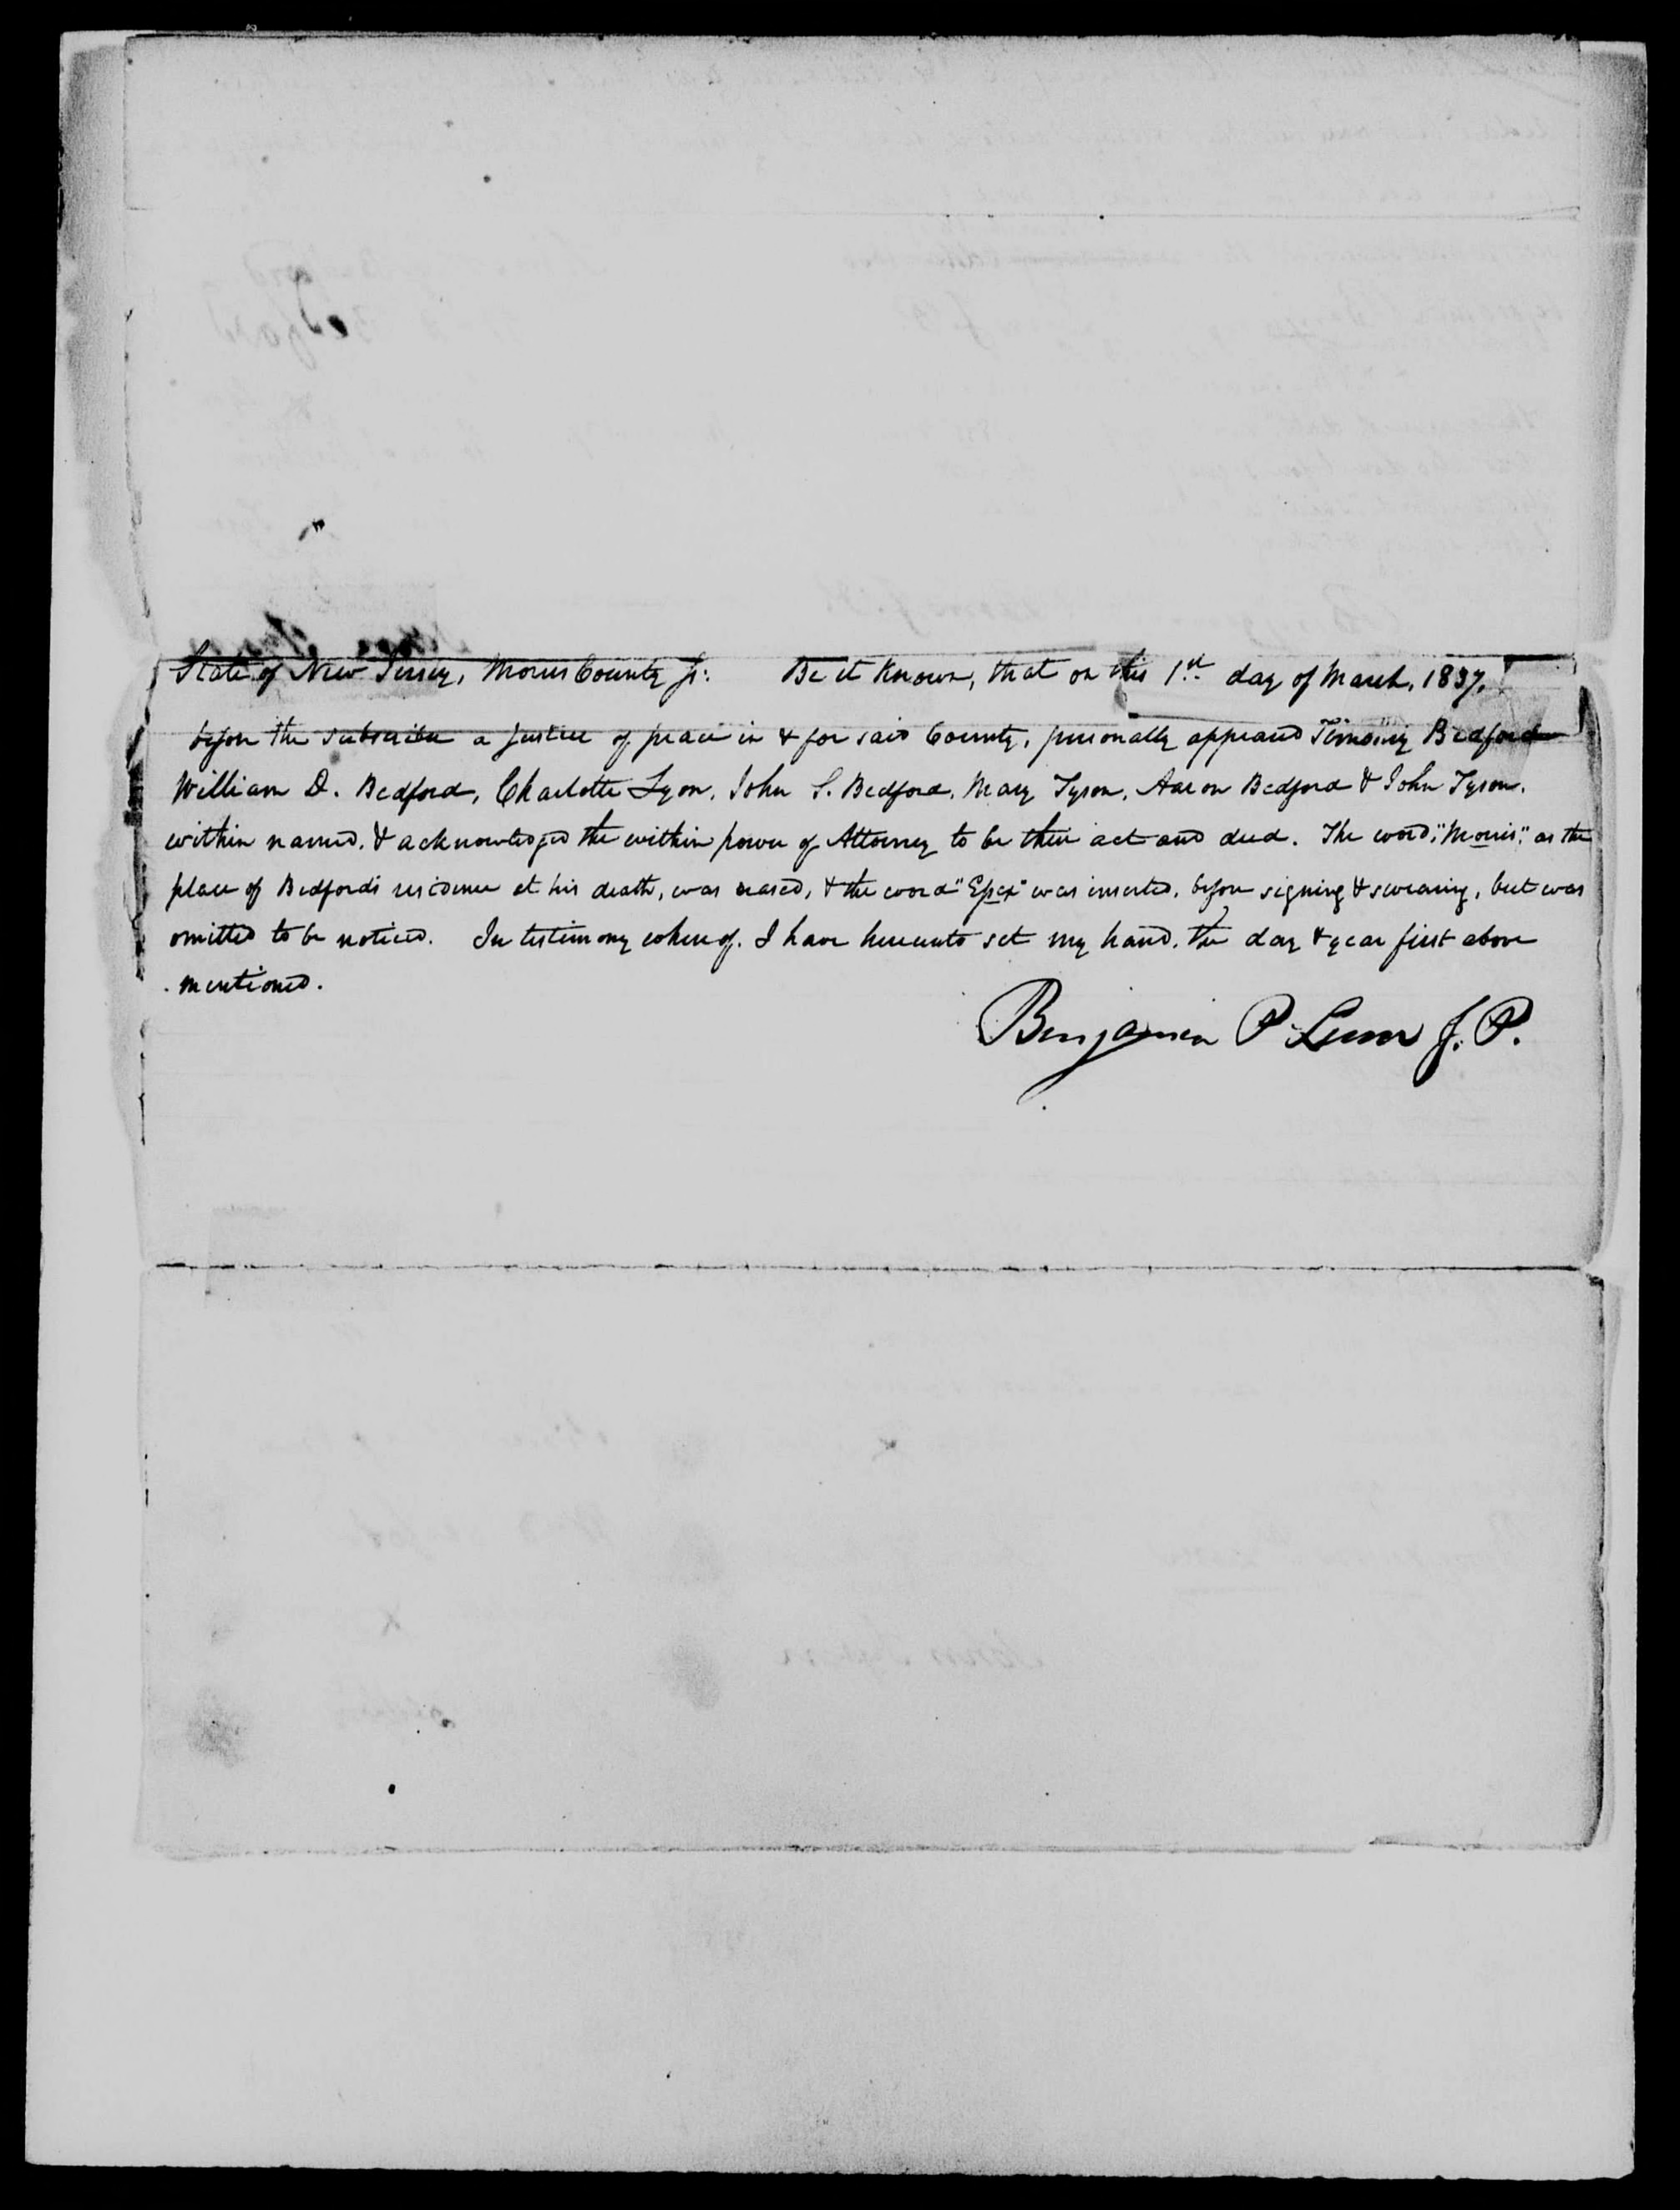State of New Jersey, Norris County Ss: Be it known, that on the 1st day of March, 1837, before the subscribed a Justice of peace in & for said County, personally appeared Timothy Bedford, William D. Bedford, Charlotte Lyon, John S. Bedford, Mary Tyson, Aaron Bedford & John Tyson within named & acknowledged the within power of Attorney to be their act and deed. The word, "Morris" as the place of Bedford's residence at his death, was erased, & the word "Essex" was inserted, before signing & subscribing, but was omitted to be noticed. In testimony whereof, I have hereunto set my hand the day & year first above mentioned.
Benjamin P Lum J. P.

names: William D Bedford, John Tyson, Charlotte Lyon, Benjamin P Lum, John S Bedford, Timothy Bedford, Aaron Bedford, Mary Tyson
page: 9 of 31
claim: survivor's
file: S. 2372, Stephen Bedford, New Jersey